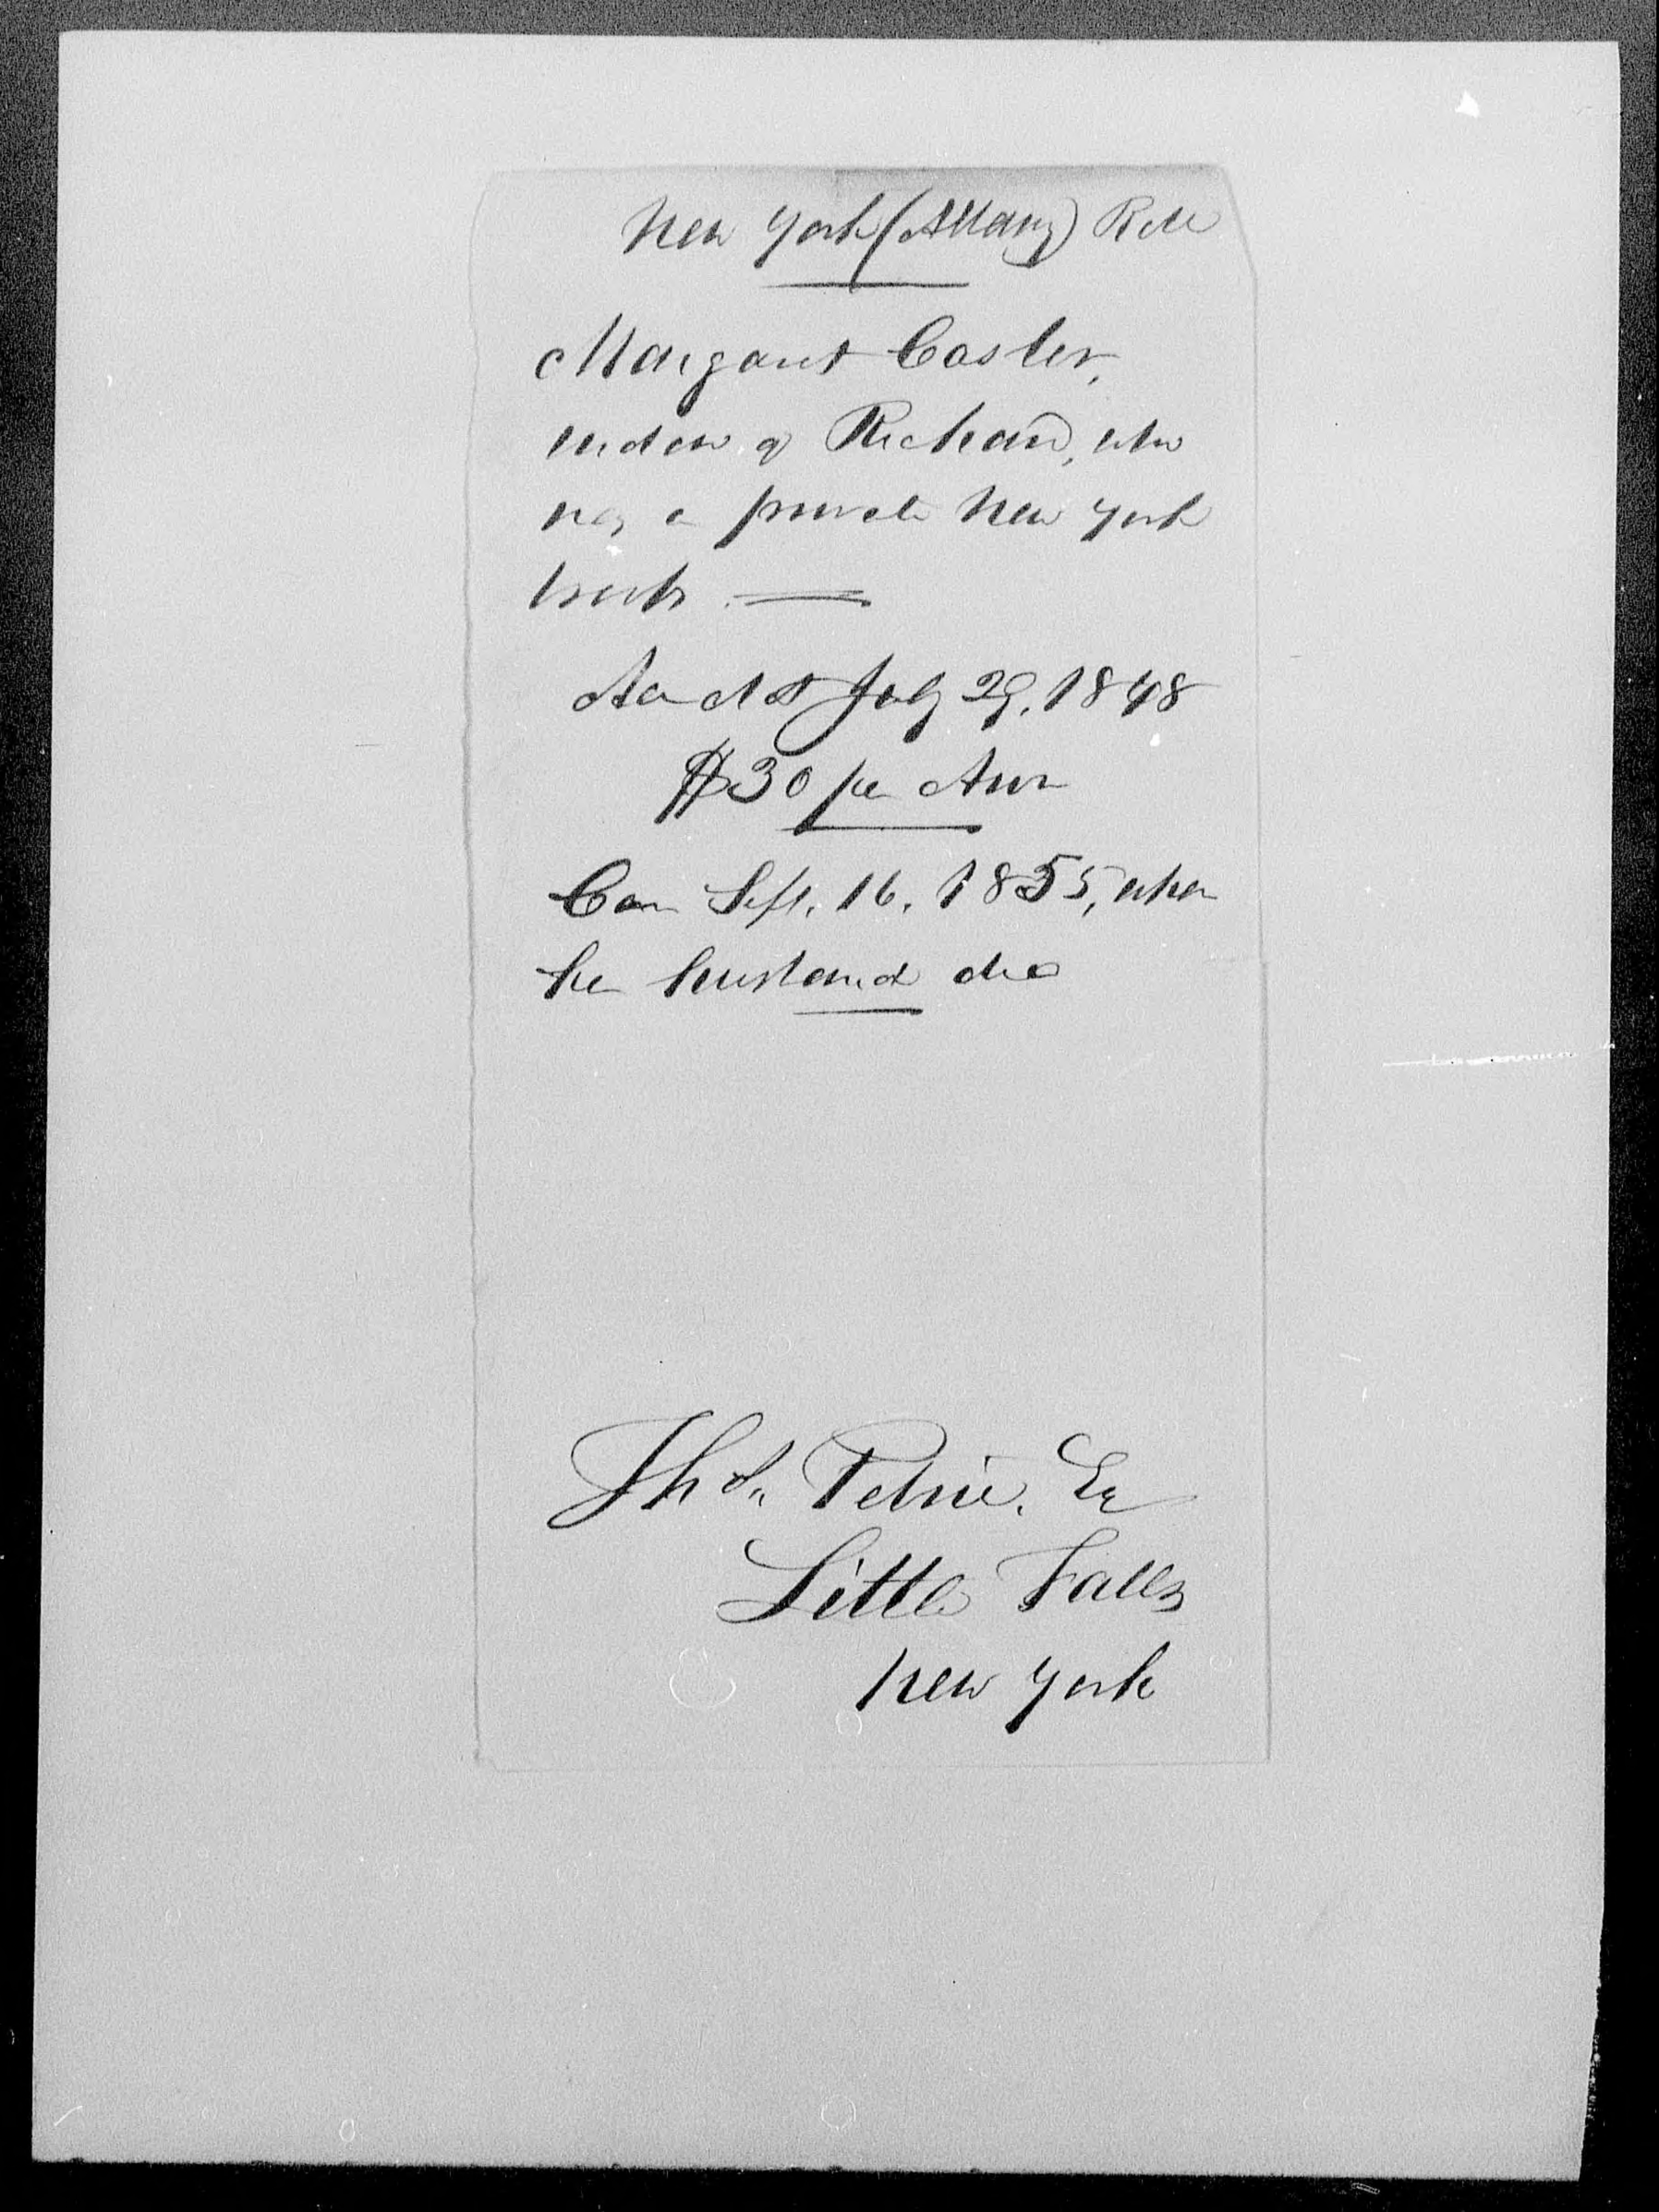New York  (Albany) Roll 
Margaret Casler widow of Richard, who was a private New York troops
Act of July 29, 1848 
$30 pr Ann 
Can Sept, 16, 1855, when her husband died

Thos. Petrie Esq 
Little Falls 
New York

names: Richard Casler, Margaret Casler, Thos Petrie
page: 35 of 66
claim: widow's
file: W. 6637, Richard Caslar, New York